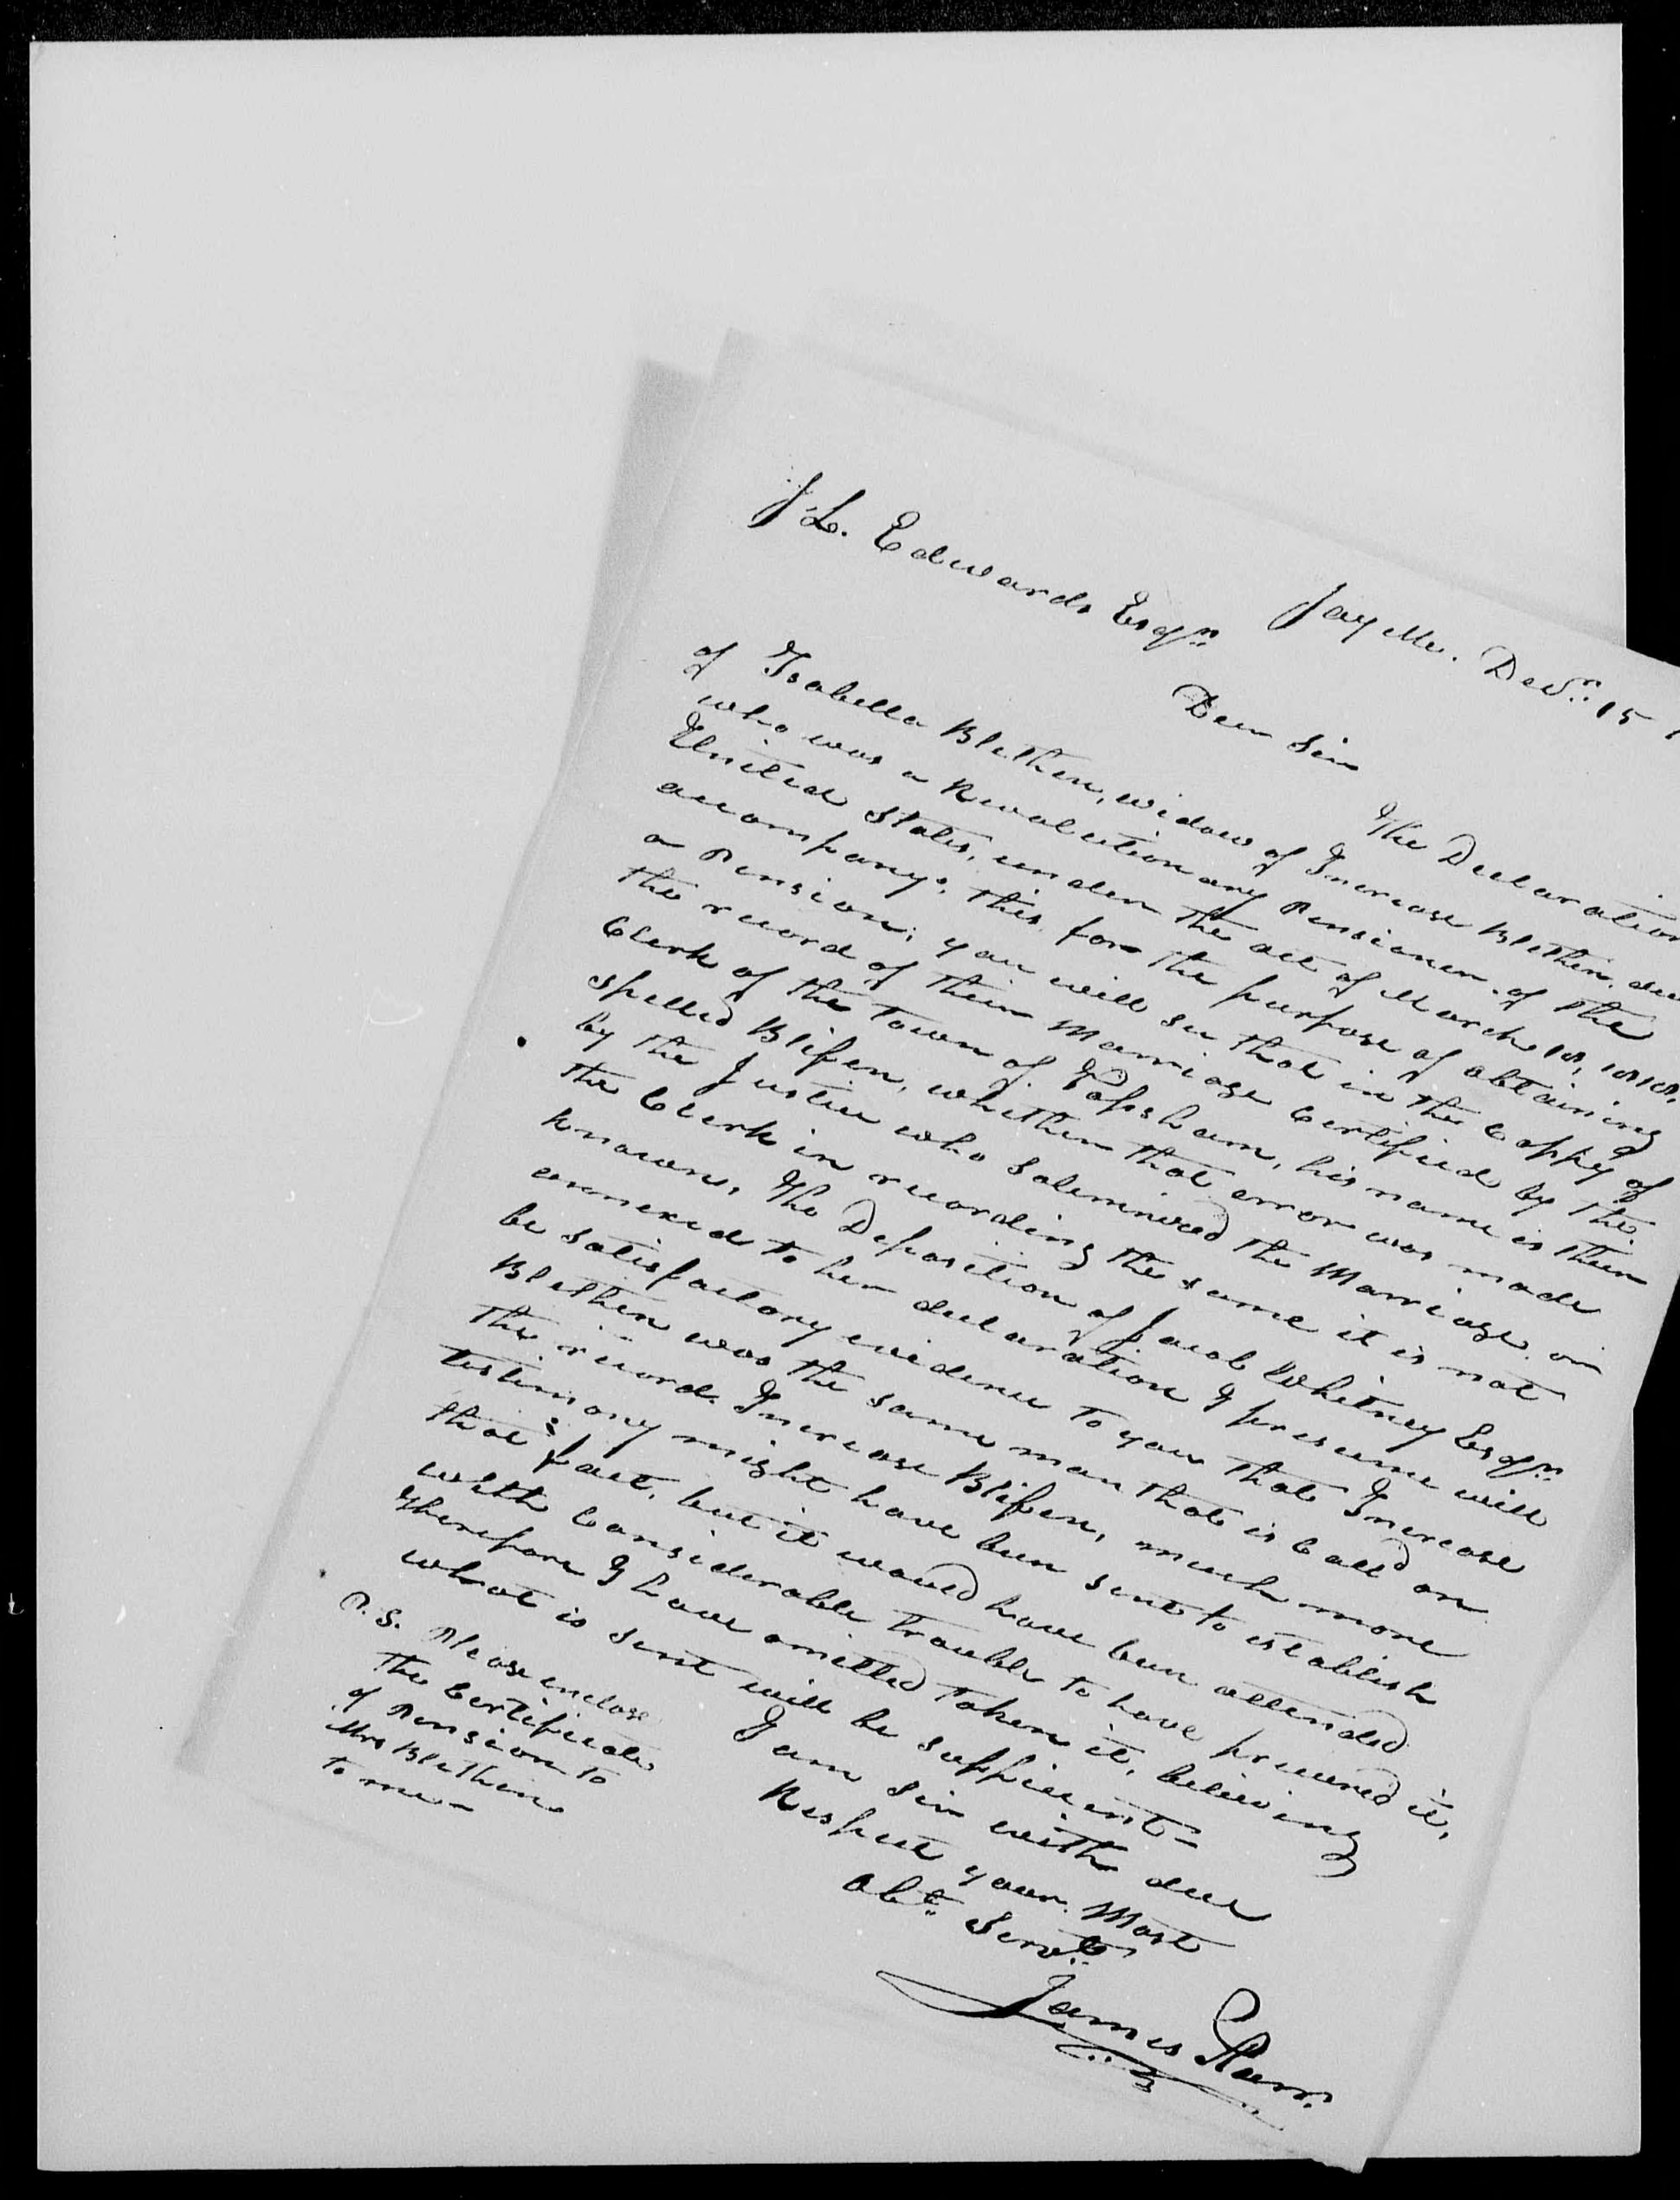Jayelle. Dec.r 15

J. L. Edwards Esq.r

Dear Sir 
The Declaration
of Isabella Blethen, widow of Increase Blethen dec.d
who was a Revolutionary Pensioner of the
United States, under the act of March 18, 1818.
accompany this for the purpose of obtaining
a pension. you will see that in the coppy of
the record of their Marriage certified by the
Clerk of the Town of Topsham, his name is then
spelled Blifen, whithin the error was made
by the Justice who solemniced the Marriage on
the Clerk in recording the same it is not
known, the Deposition of Jacob Whitney Esq.r
annexed to her declaration & presume will
be satisfactory evidence to you that Increase
Blethen was the same man that is calld on
the record Increase Blifen, much more
testimony might have been sent to establish
that fact, but it would have been attended
with considerable trouble to have previewed it,
Therefore I have omitted taken it, believing
what is sent will be sufficient--
I am sir with due
Respect your Most
obt. Servt.
James Starr

P.S. Please enclose
the Certificate
of Pension to
Mrs. Blethens
to me--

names: J L Edwards, Increase Blethen, Jacob Whitney, Isabella Blethen, James Starr, Blifen, Increase Blifen, Increase Blethen, Blethen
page: 26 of 39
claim: widow's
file: W. 23,621, Increase Blethen, Mass.